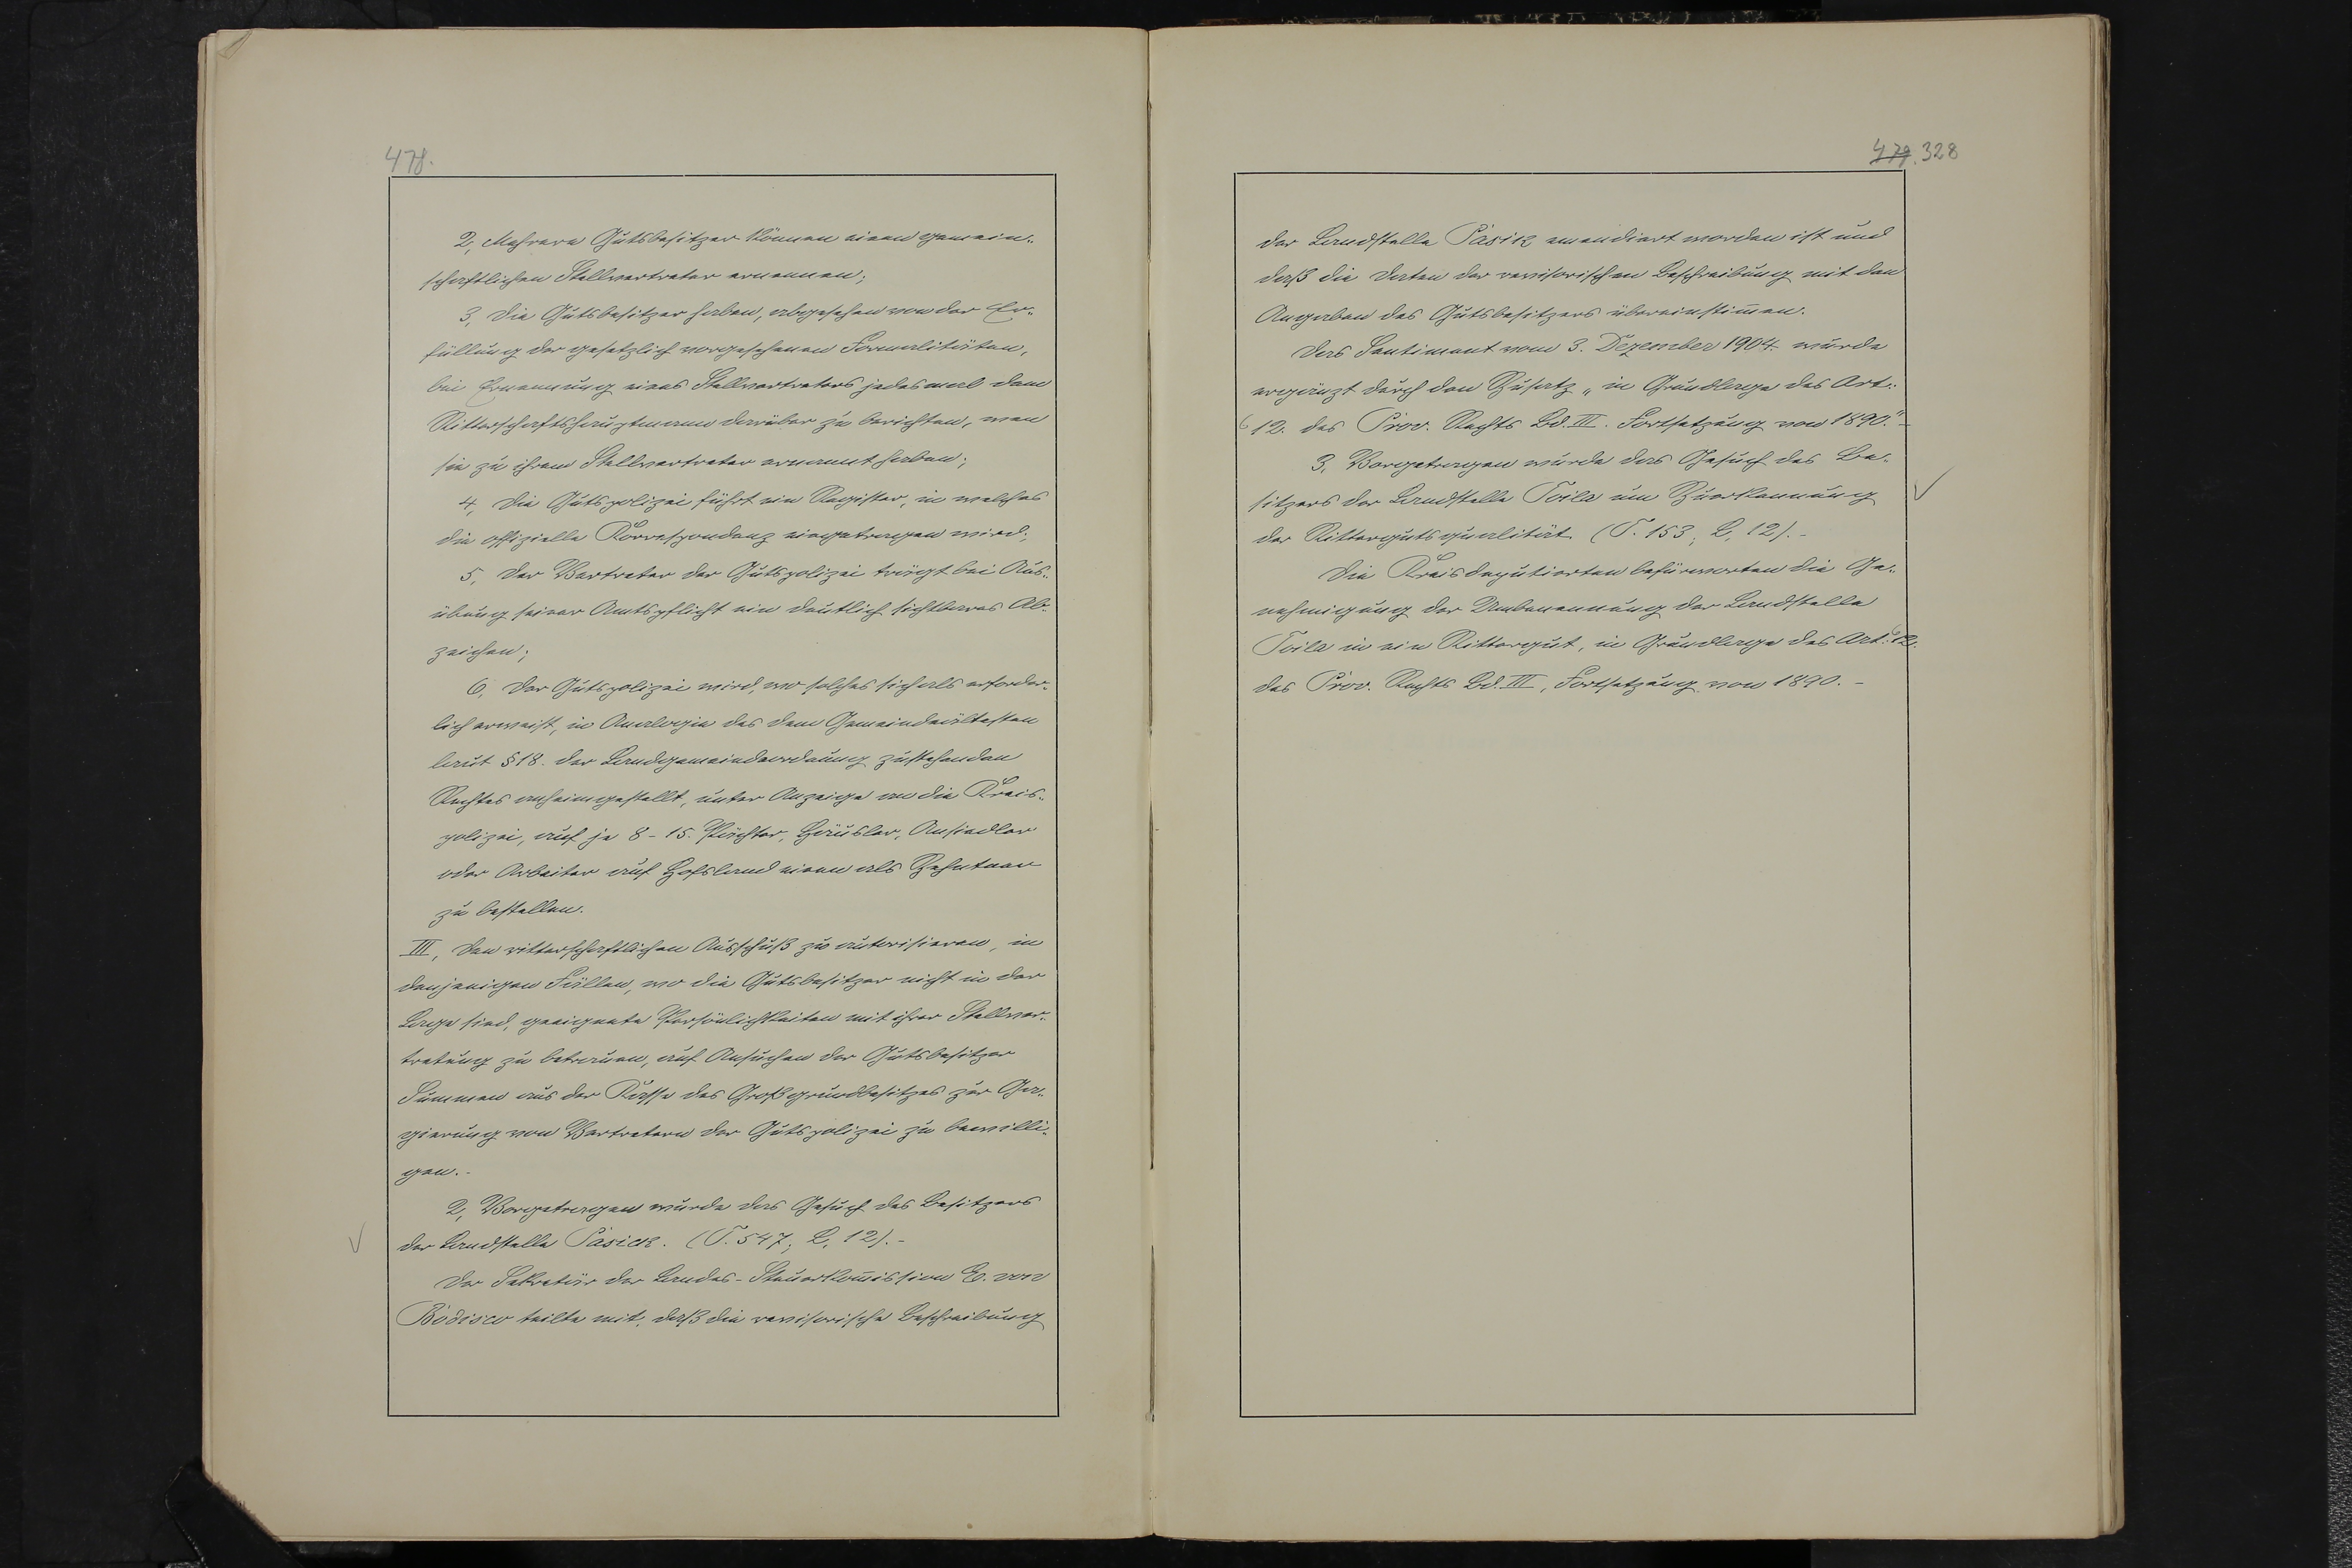2. Mehrere Gutsbesitzer können einen gemein-
schaftlichen Stellvertreter ernennen;
3. Die Gutsbesitzer haben, abgesehen von der Er-
füllung der gesetzlich vorgesehenen Formalitäten,
bei Ernennung eines Stellvertreters jedesmal dem
Ritterschaftshauptmann darüber zu berichten, wen
sie zu ihrem Stellvertreter ernannt haben;
4. Die Gutspolizei führt ein Register, in welches
die offizielle Korrespondenz eingetragen wird;
5. Der Vertreter der Gutspolizei trägt bei Aus-
übung seiner Amtspflicht ein deutlich sichtbares Ab-
zeichen;
6. Der Gutspolizei wird, wo solches sich als erforder-
lich erweist, in Analogie des dem Gemeindeältesten
laut §18. der Landgemeindeordnung zustehenden
Rechtes anheimgestellt, unter Anzeige an die Kreis-
polizei, auf je 8-15. Pächter, Häusler, Ansiedler
oder Arbeiter auf Hofsland einen als Zehntner
zu bestellen.
III. Den ritterschaftlichen Ausschuß zu autorisieren, in
denjenigen Fällen, wo die Gutsbesitzer nicht in der
Lage sind, geeignete Persönlichkeiten mit ihrer Stellver-
tretung zu betrauen, auf Ansuchen der Gutsbesitzer
Summen aus der Kasse des Großgrundbesitzes zur Ga-
gierung von Vertretern der Gutspolizei zu bewilli-
gen.
2. Vorgetragen wurde das Gesuch des Besitzers
der Landstelle Pasick. (T.547; L.12).
Der Sekretär der Landes-Steuerkommission E. von
Bodisco teilte mit, daß die revisorische Beschreibung
der Landstelle Pasik emandiert worden ist und
daß die Daten der revisorischen Beschreibung mit den
Angaben des Gutsbesitzers übereinstimmen.
Das Sentiment vom 3. Dezember 1904. wurde
ergänzt durch den Zusatz „in Grundlage des Art.
612 des Prov. Rechts Bd. III. Fortsetzung von 1890.“
3. Vorgetragen wurde das Gesuch des Be-
sitzers der Landstelle Toila um Zuerkennung
der Rittergutsqualität. (T.153; L.12).
Die Kreisdeputierten befürworten die Ge-
nehmigung der Umbenennung der Landstelle
Toila in ein Rittergut, in Grundlage des Art. 612.
des Prov. Rechts Bd. III, Fortsetzung von 1890.